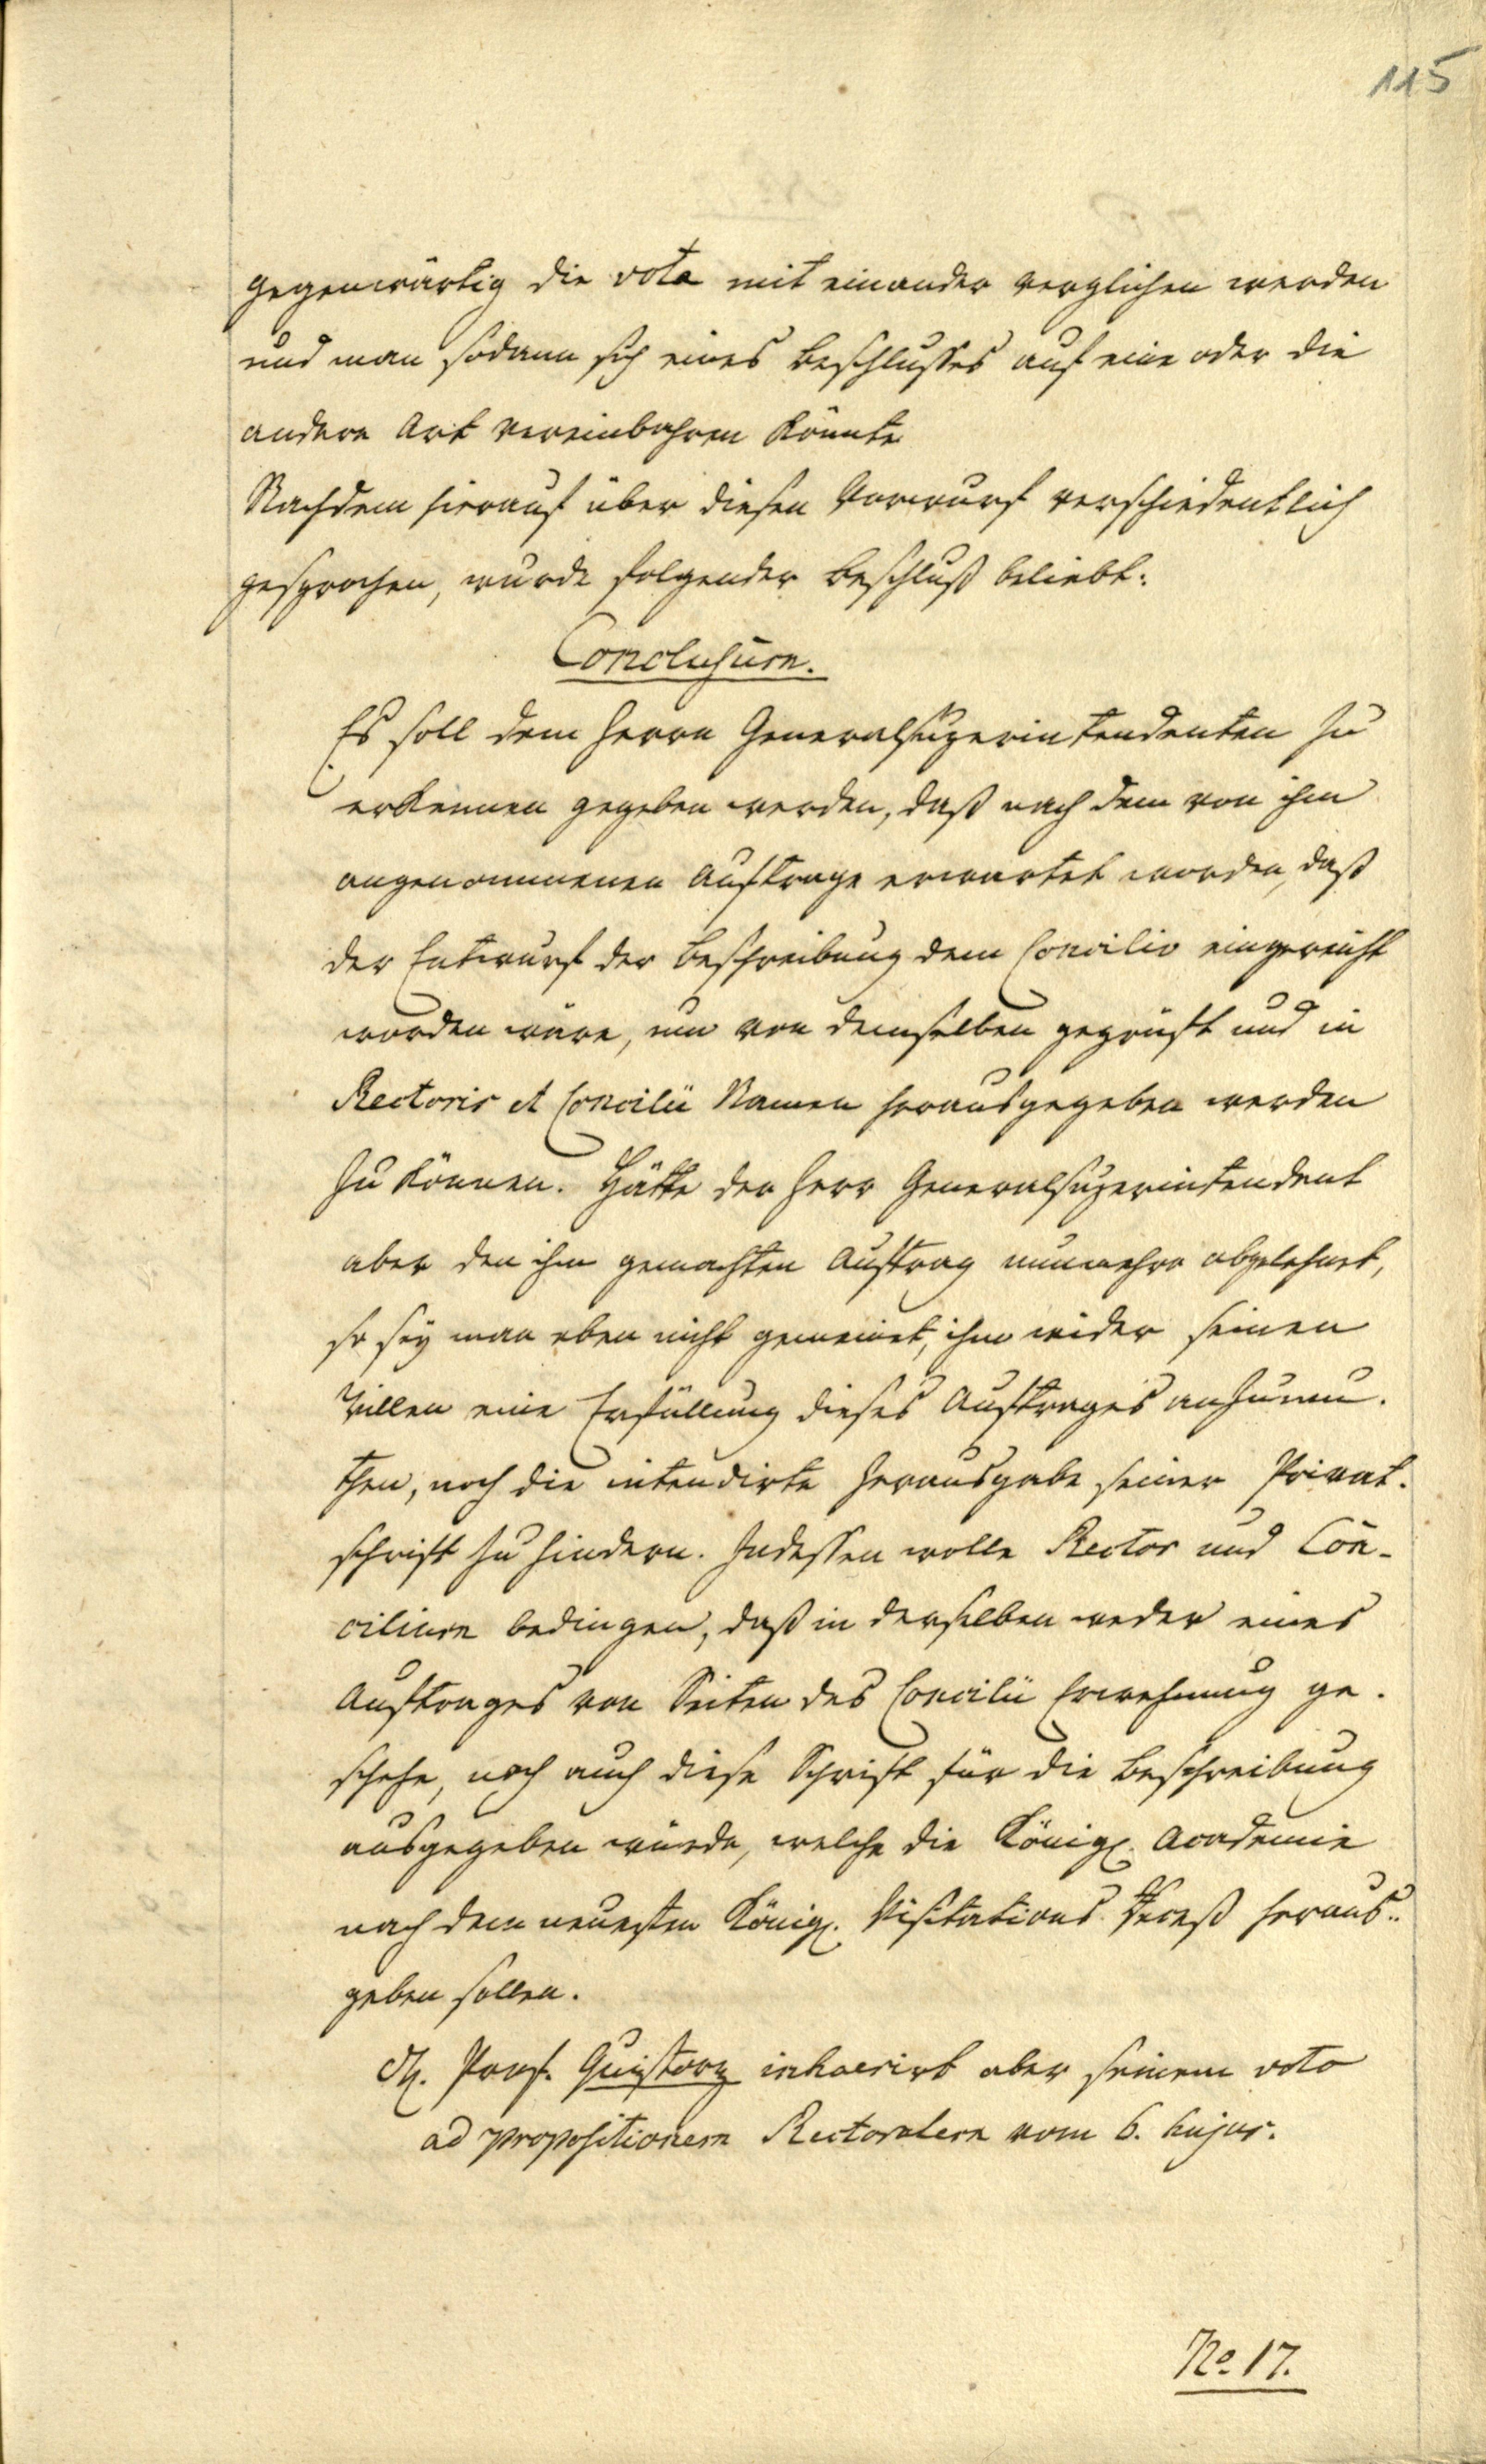gegenwärtig die vota mit einander verglichen werden
und man sodann sich eines Beschlusses auf eine oder die
andere Art vereinbahren könnte.
Nachdem hierauf über diesen Vorwurf verschiedentlich
gesprochen, wurde folgender Beschluß beliebt:
Conclusum
Es soll dem Herrn Generalsuperintendenten zu
erkennen gegeben werden, daß nach dem von ihm
angenommenen Auftrage erwartet worden, daß
der Entwurf der Beschreibung dem Concilio eingereicht
worden wäre, um von demselben geprüft und in
Rectoris et Concilii Namen herausgegeben werden
zu können. Hätte der Herr Generalsuperintendent
aber den ihm gemachten Auftrag nunmehro abgelehnet,
so seÿ man eben nicht gemeinet, ihm wider seinen
Willen eine Erfüllung dieses Auftrages anzumu¬
then, noch die intendirte Herausgabe seiner Privat¬
schrift zu hindern. Indessen wolle Rector und Con¬
cilium bedingen, daß in derselben weder eines
Auftrages von Seiten des Concilii Erwehnung ge¬
schehe, noch auch diese Schrift für die Beschreibung
ausgegeben würde, welche die Königl. Academie
nach dem neuesten Königl. Visitations Receß heraus¬
geben sollen.
dh. Prof. Quistorp inhaerirt aber seinem voto
ad propositionem Rectoralem vom 6. hujus.
No 17.